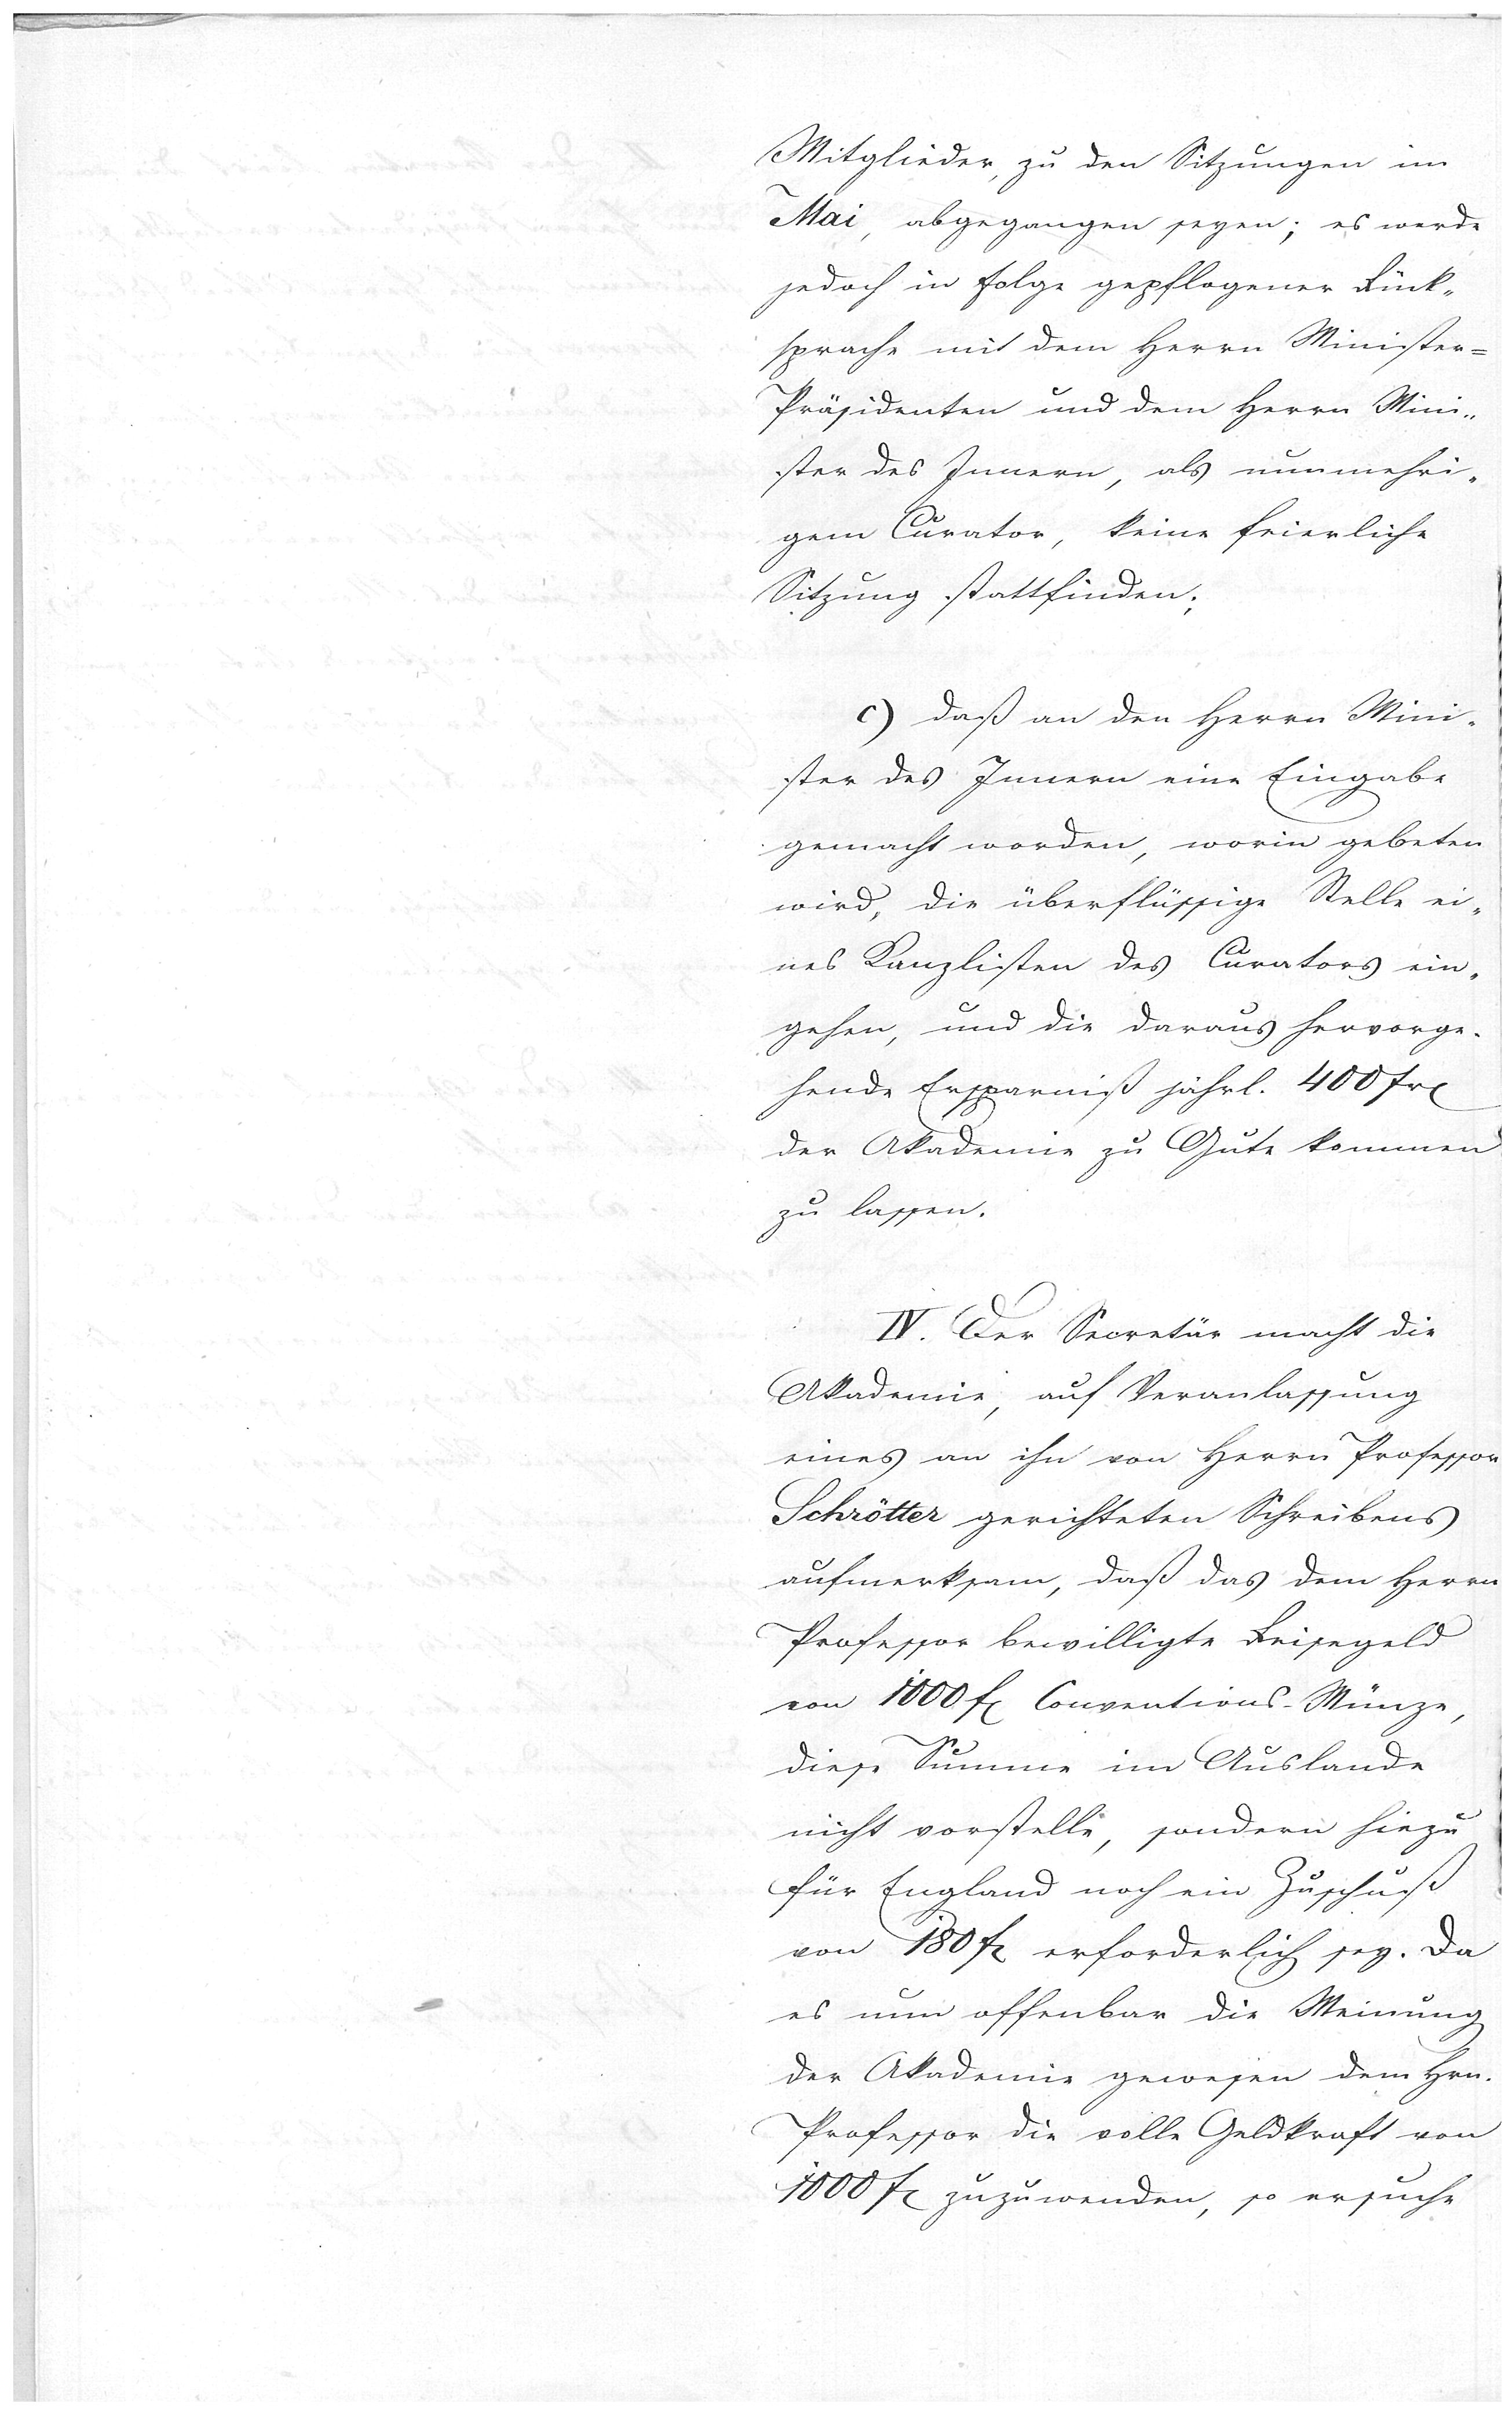Mitglieder, zu den Sitzungen im
Mai abgegangen seyen; es werde
jedoch in Folge gepflogener Rück-
sprache mit dem Herrn Minister-
Präsidenten und dem Herrn Mini-
ster des Innern, als nunmehri-
gen Curator, keine feierliche
Sitzung stattfinden.
c) daß an den Herrn Mini-
ster des Innern eine Eingabe
gemacht worden, worin gebeten
wird, die überflüssige Stelle ei-
nes Kanzlisten des Curators ein-
gehen und die daraus hervorge-
henden Ersparniß jährl. 400 fr
der Akademie zu Gute kommen
zu lassen.
IV. Der Secretär macht die
Akademie, auf Veranlassung
eines an ihn von Herrn Professor
Schrötter gerichteten Schreibens
aufmerksam, daß das dem Herrn
Professor bewilligte Reisegeld
von 1000 fl Conventions-Münze,
diese Summe im Auslande
nicht vorstelle, sondern hiezu
für England noch ein Zuschuß
von 180 fr erforderlich sey. Da
es nun offenbar die Meinung
der Akademie gewesen dem Hrn.
Professor die volle Geldkraft von
1000 fl zuzuwenden, so ersuche